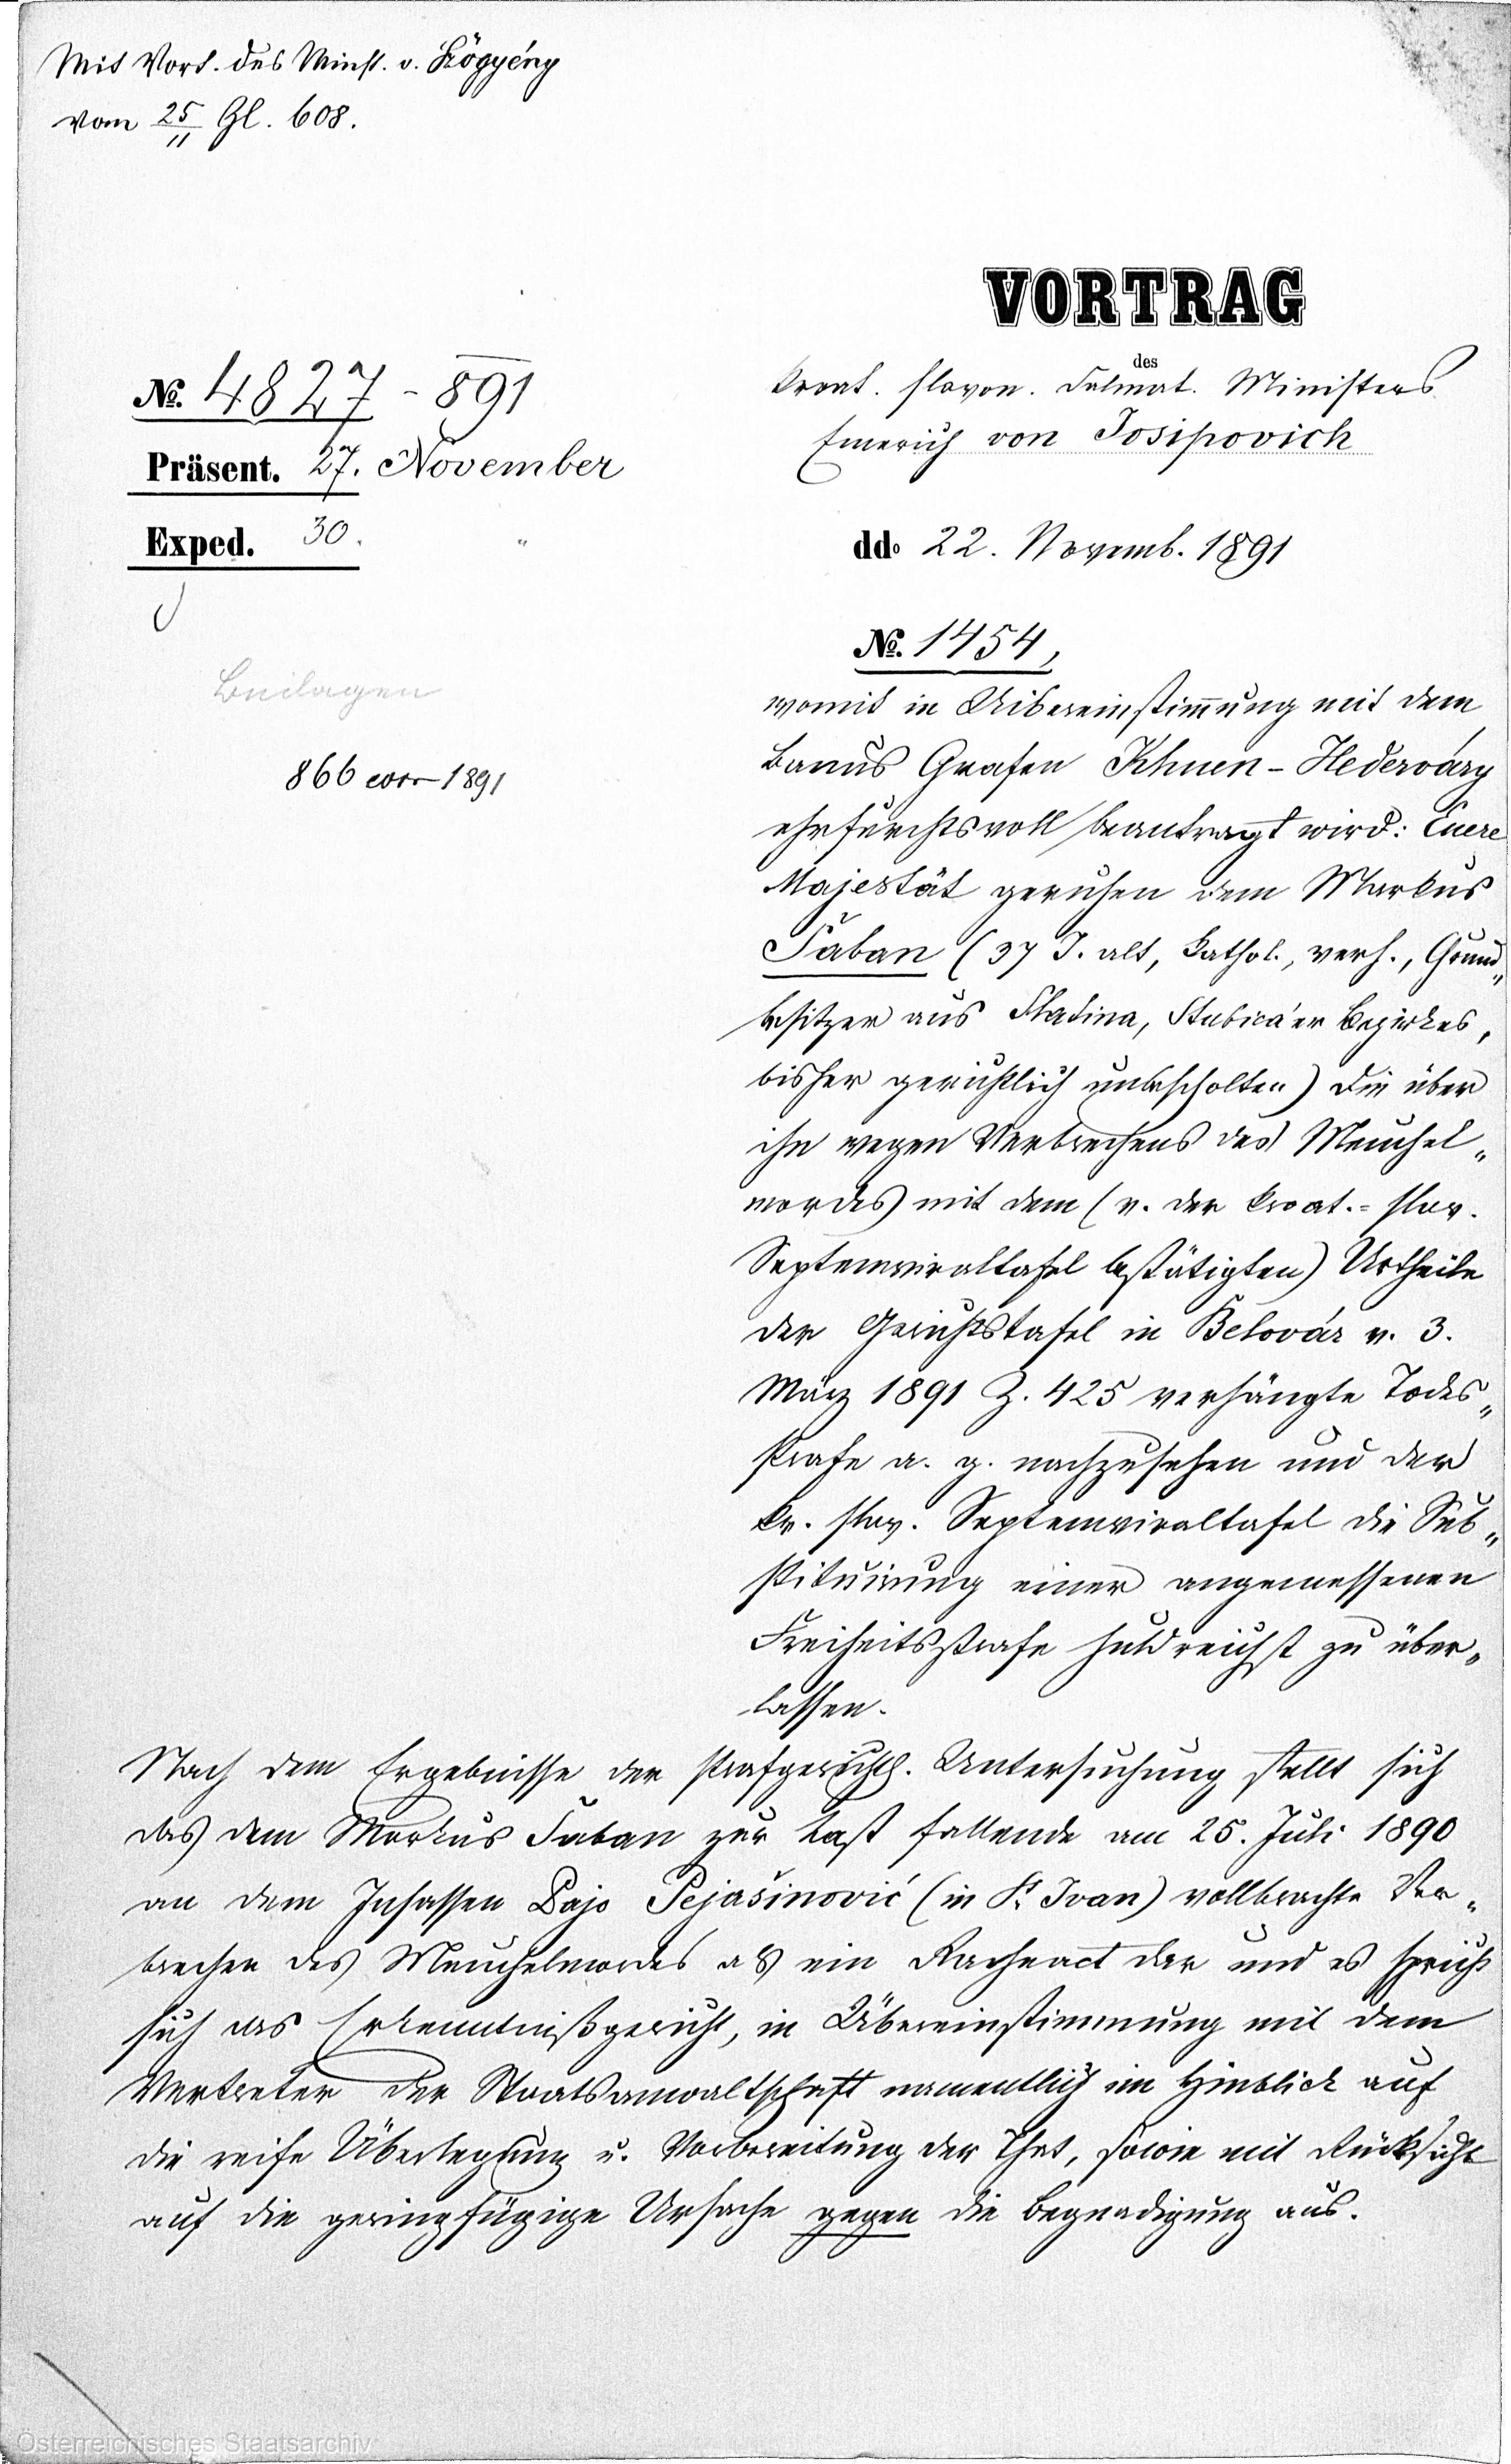Mit Vort. des Minist. v. Szögyény
Vom 25/11 Zl. 608
No. 4827 – 1891
Präsent. 27. November
Expedit 30. „
Beilagen
866 corr 1891
Vortrag
des
kroat. slavon. delmat. Ministers
Emerich von Josipovich
Ddo 22. Novemb. 1891
No 1454
Womit in Uibereinstimmung mit dem
Banus Grafen Khuen-Hederváry
ehrfurchtsvoll beantragt wird: Euere
Majestät geruhen dem Markus
Šaban (37 J. alt, kathol, verh. Grund¬
besitzer aus Slatina, Stubica’er Bezirkes,
bisher gerichtlich unbescholten) die über
ihn wegen Verbrechens des Meuchel¬
mordes mit dem (v. der kroat.-slav.
Septemviraltafel bestätigten) Urtheile
der Gerichtstafel in Belovár v. 3.
März 1891 Z. 425 verhängte Todes¬
strafe a.g. nachzusehen und der
kr. slav. Septemviraltafel die Sub¬
stituirung einer angemessenen
Freiheitsstrafe huldreichst zu über¬
lassen.
Nach dem Ergebnisse der strafgerichtl. Untersuchung stellt sich
das dem Markus Šaban zur Last fallende am 25. Juli 1890
an dem Insassen Dajo Pejašinović (in St. Ian) vollbrachte Ver¬
brechen des Meuchelmordes als ein Racheact dar und es spricht
sich das Erkenntnißgericht, in Übereinstimmung mit dem
Vertreter der Staatsanwaltschaft namentlich im Hinblick auf
die reife Überlegung u. Vorbereitung der That, sowie mit Rücksicht
auf die geringfügige Ursache gegen die Begnadigung aus.